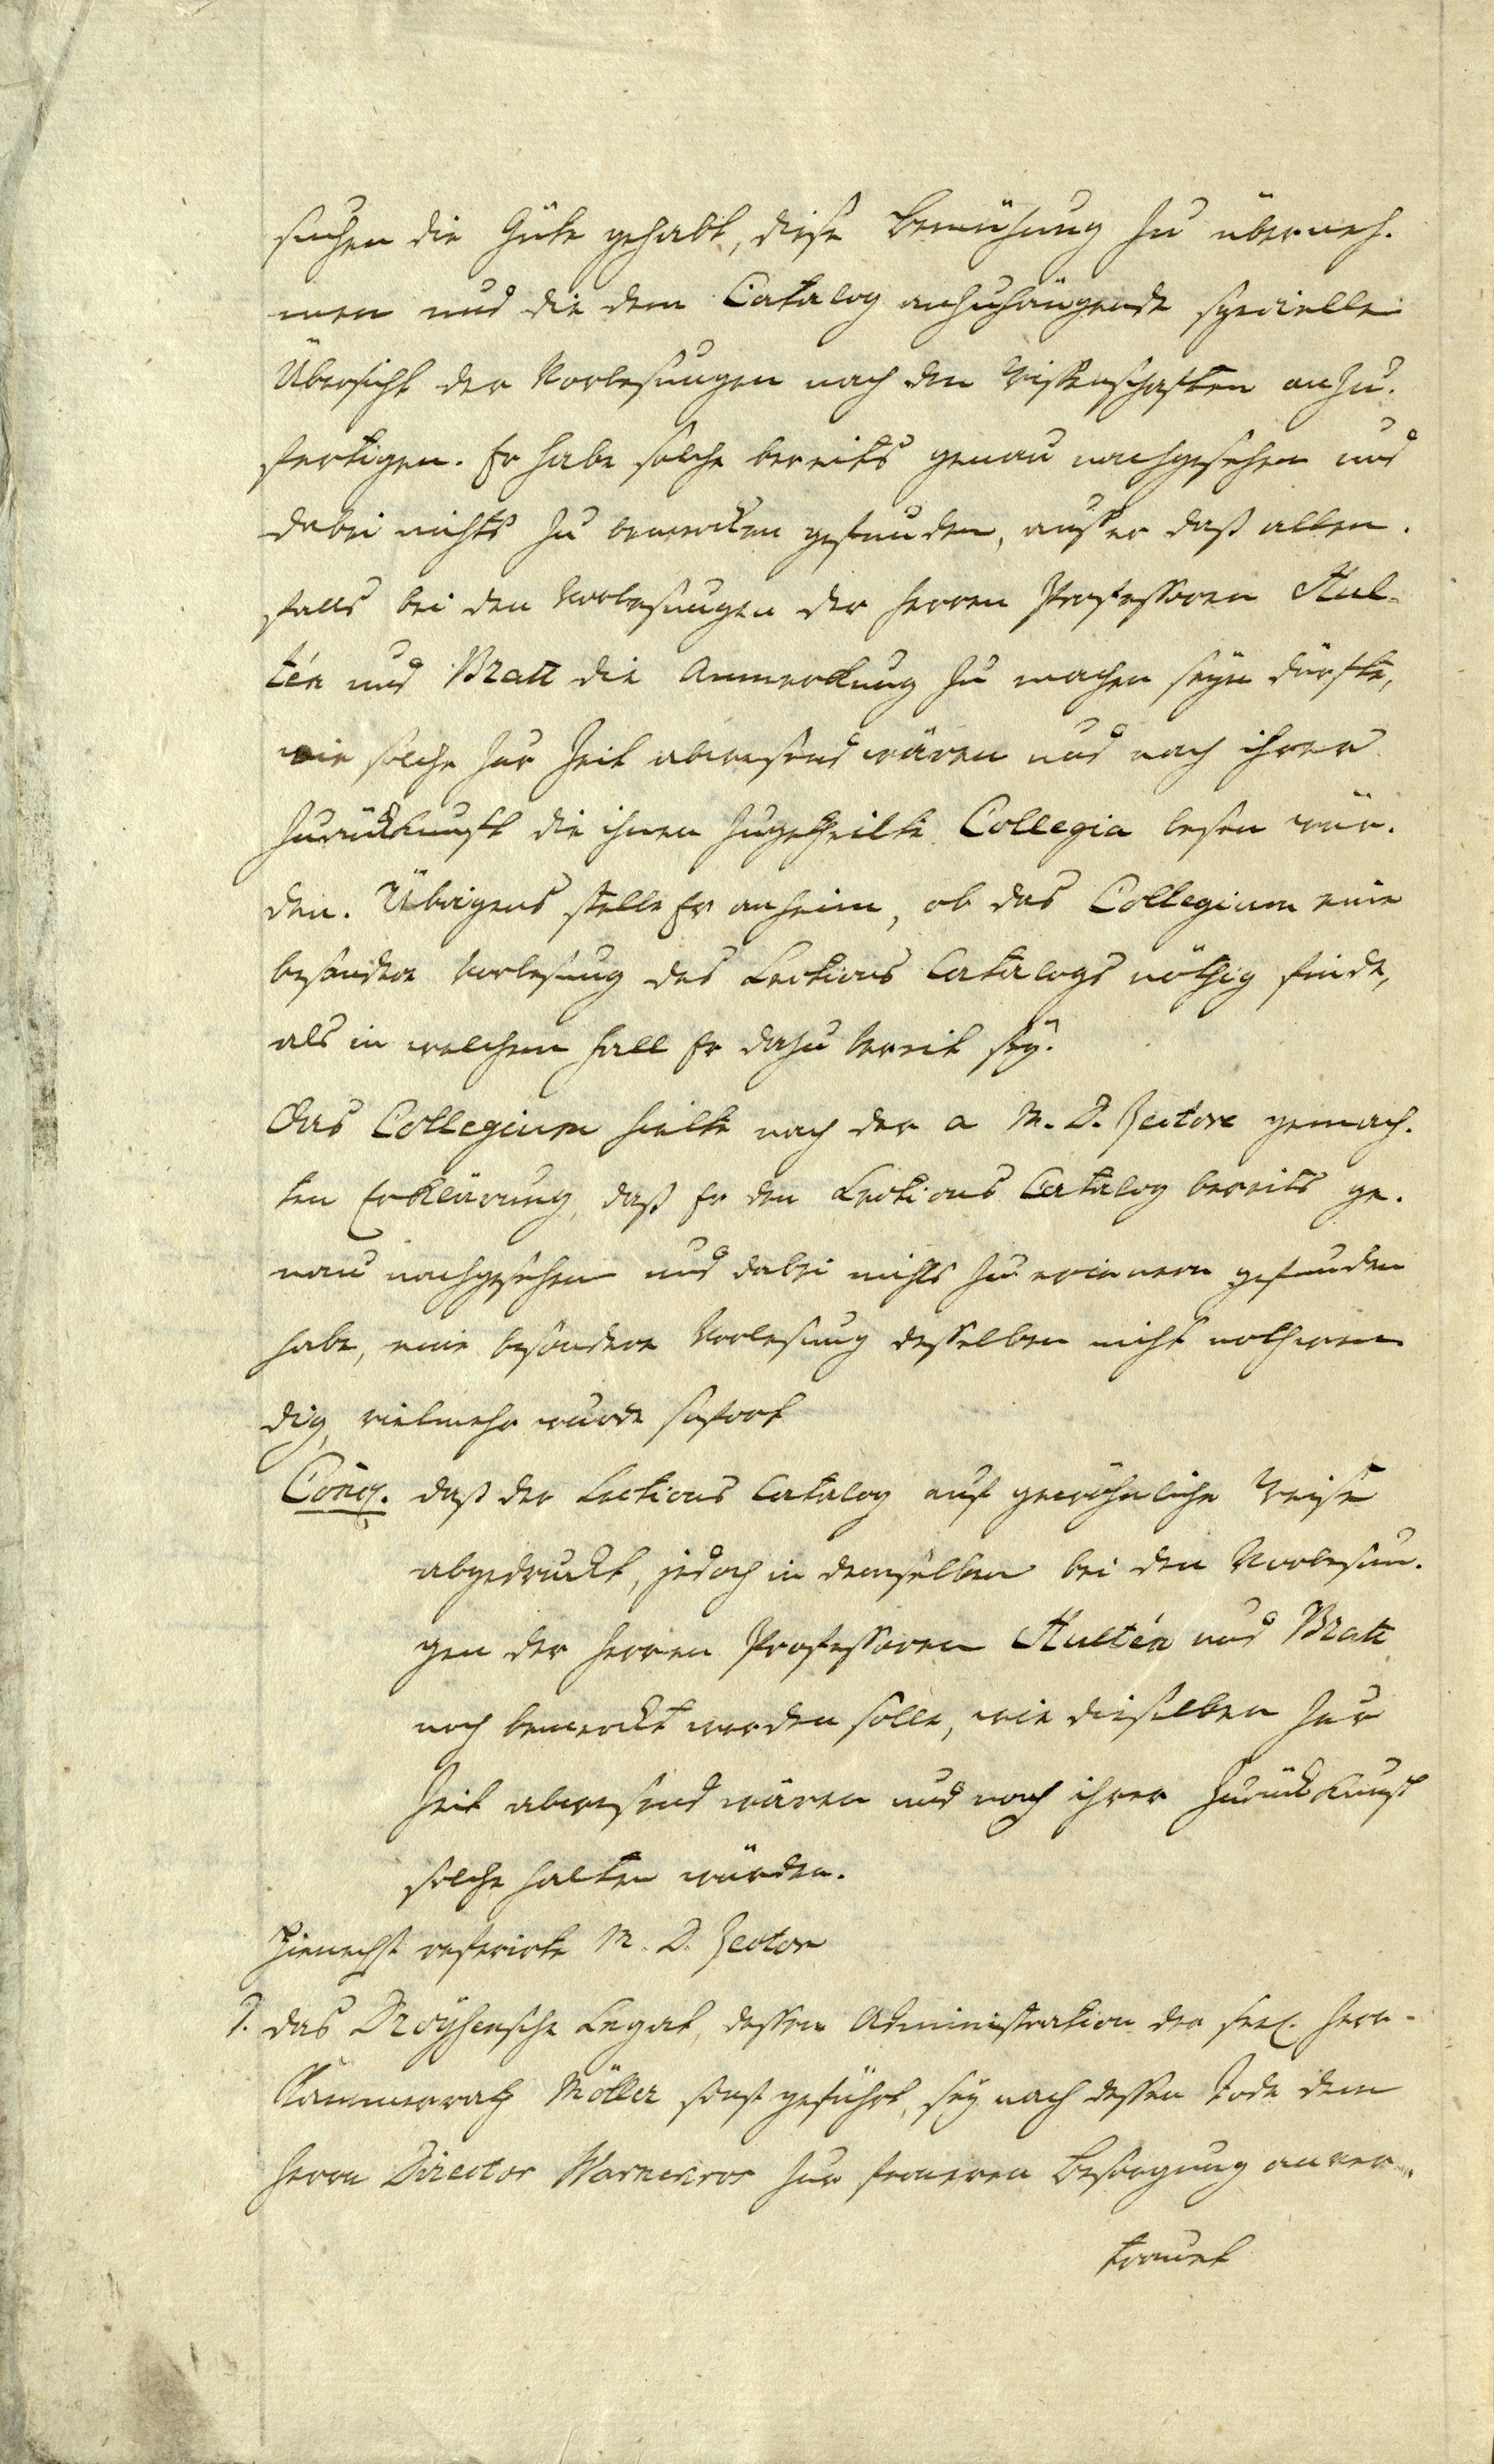suchen die Güte gehabt, diese Bemühung zu überneh¬
men und die dem Catalog anzuhängende specielle
Übersicht der Vorlesungen nach den Wissenschaften anzu¬
fertigen. Er habe solche bereits genau nachgesehen und
dabei nichts zu bemercken gefunden, ausser daß allen¬
falls bei den Vorlesungen der Herren Professoren Hul¬
tén und Bratt die Anmerkung zu machen seÿn dürfte,
wie solche zur Zeit abwesend wären und nach ihrer
Zurückkunft die ihnen zugetheilte Collegia lesen wür¬
den. Übrigens, stelle Er anheim, ob das Collegium eine
besondere Vorlesung des Lections Catalogs nöthig finde,
als in welchem Fall Er dazu bereit seÿ.
Das Collegium hielte nach der a M. D. Rectore gemach¬
ten Erklärung, daß Er den Lections Catalog bereits ge¬
nau nachgesehen und dabei nichts zu erinnern gefunden
habe, eine besondere Vorlesung desselben nicht nothwen¬
dig, vielmehr wurde sofort
Concl. daß der Lections Catalog auf gewöhnliche Weise
abgedruckt, jedoch in demselben bei den Vorlesun¬
gen der Herren Professoren Hultén und Bratt
noch bemerckt werden solle, wie dieselben zur
Zeit abwesend wären und nach ihrer Zurückkunft
solche halten würden.
Hienechst referirte M. D. Rector
1. das Droÿsensche Legat, dessen Administration der seel. Herr
Kammerrath Möller sonst geführt, seÿ nach dessen Tode dem
Herrn Director Warnekros zur ferneren Besorgung anver¬
trauet